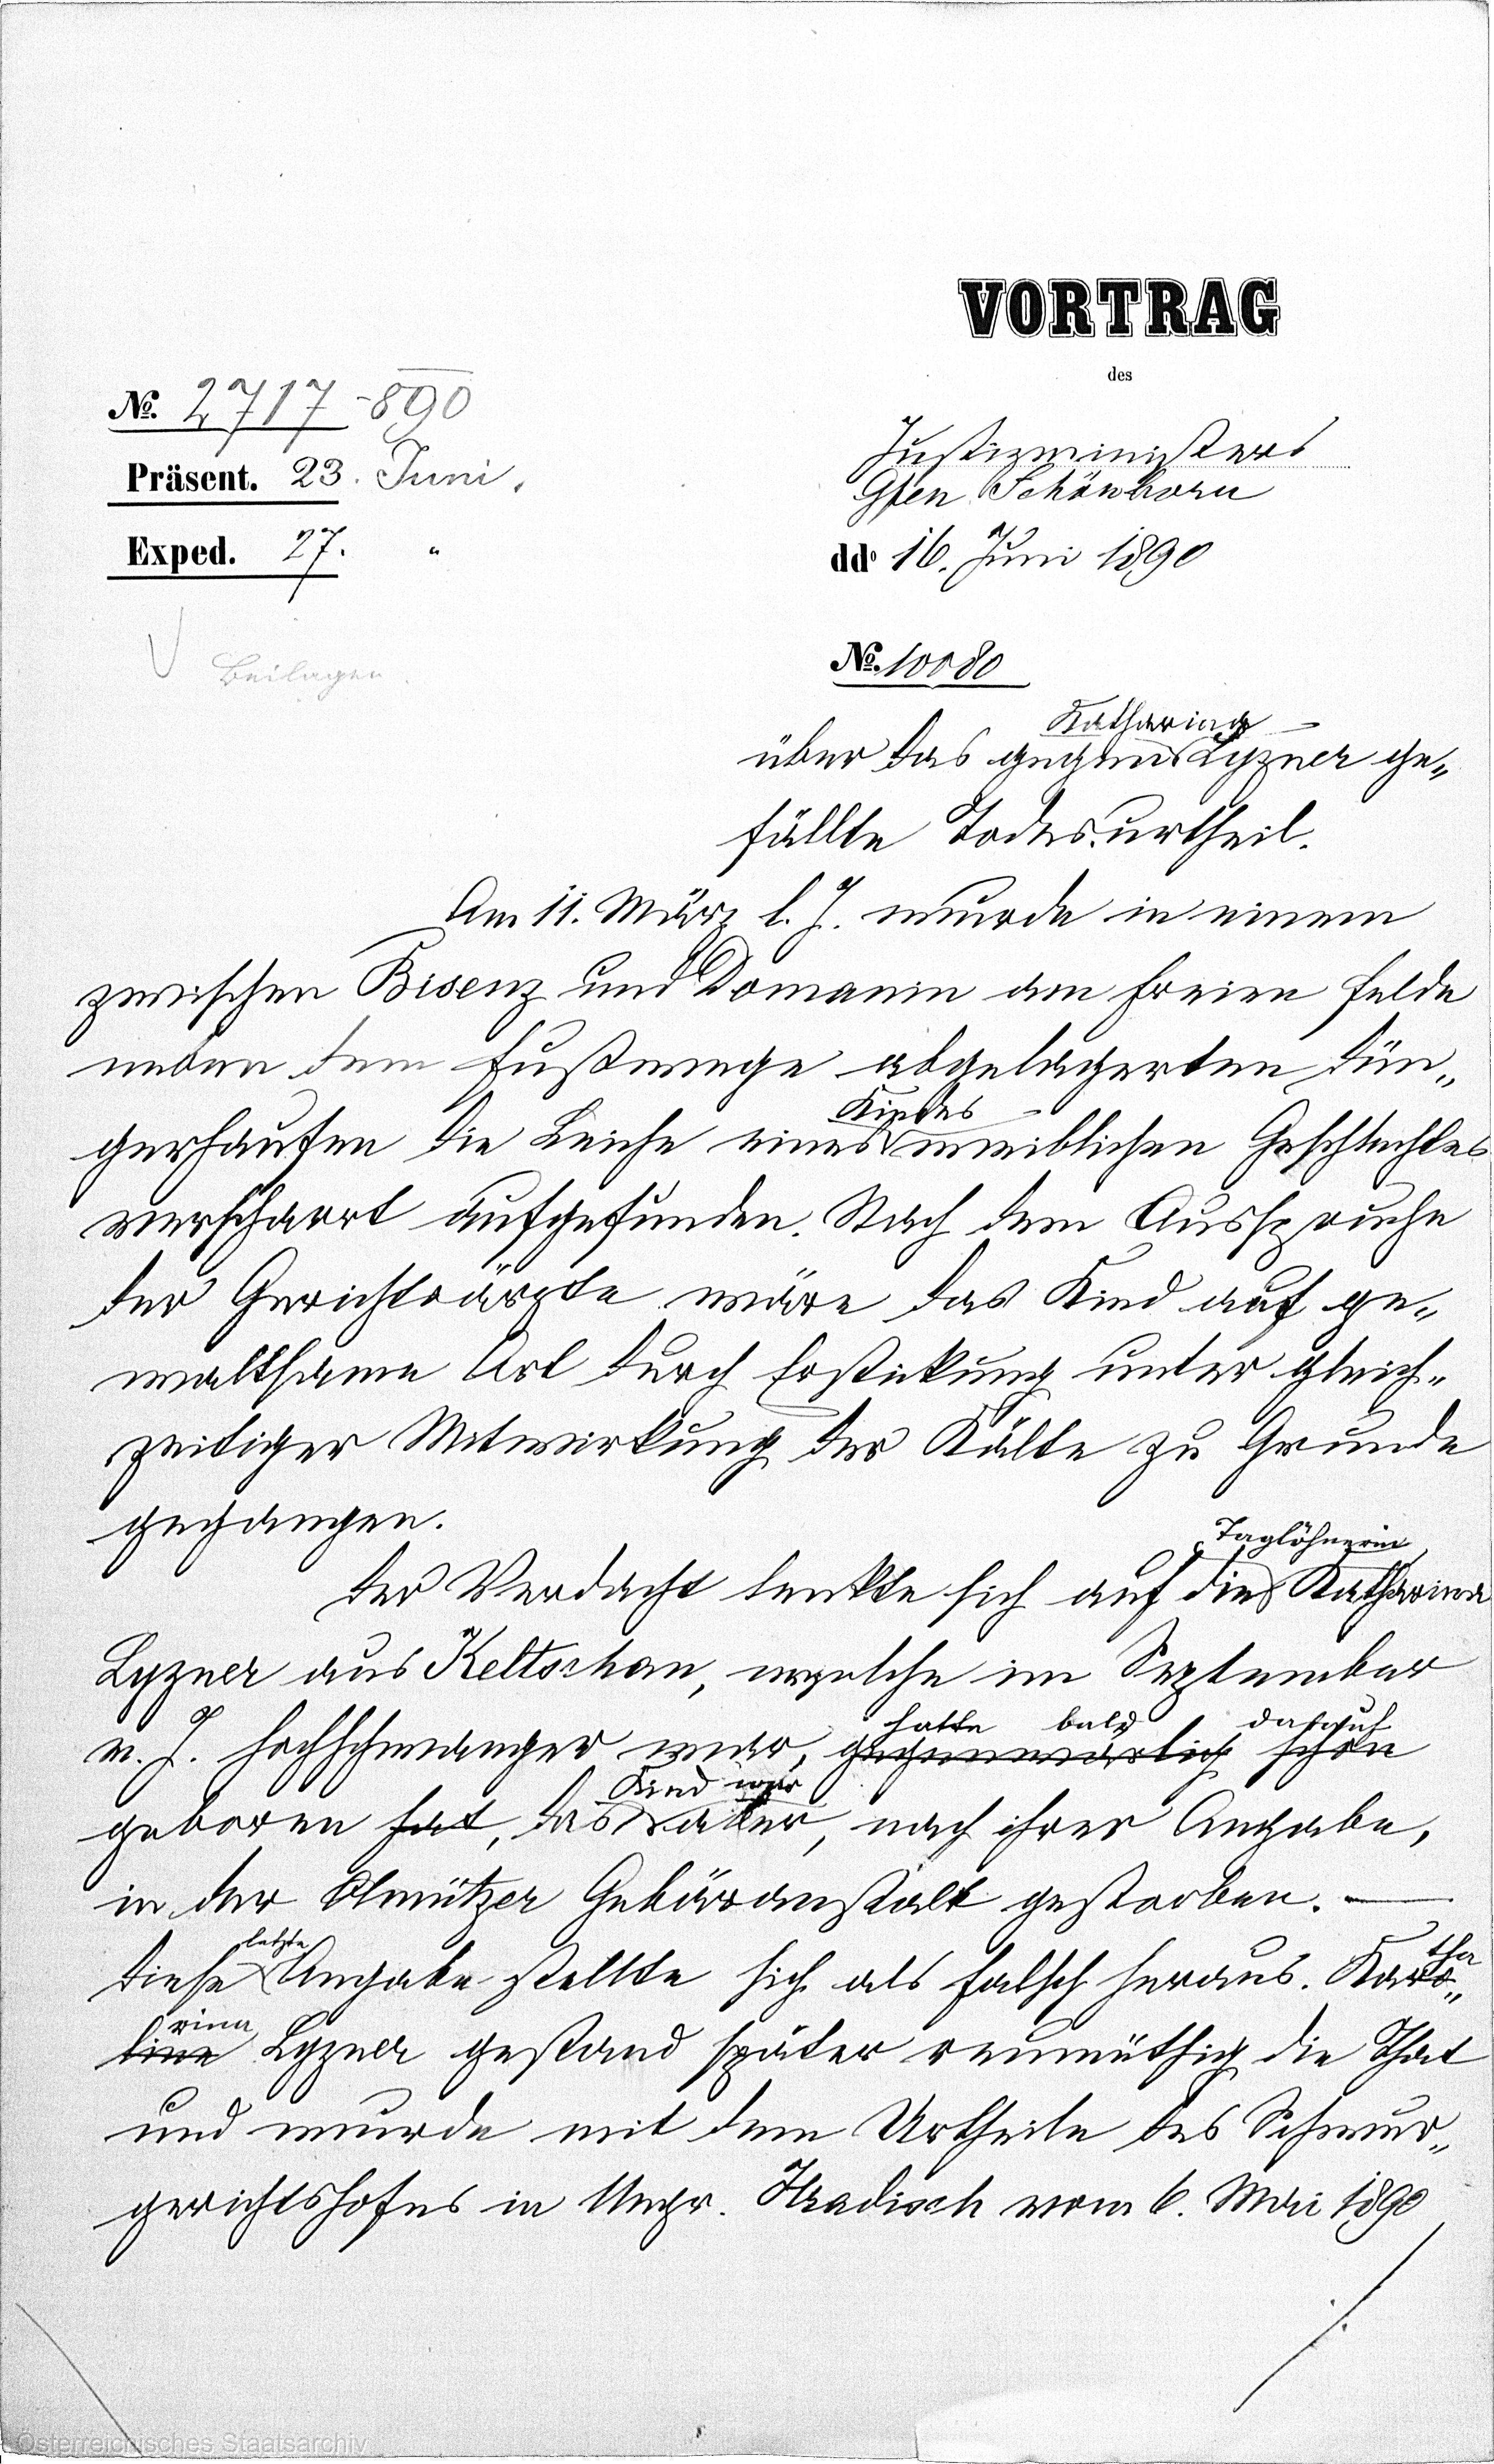VORTRAG
des
Justizministers
Gfen Schönborn
dd° 16. Juni 1890
N° 10080
Katharina
über das gegen Lyzner ge¬
fällte Todesurtheil.
Am 11. März l. J. wurde in einem
zwischen Bisenz um Domanin den freien felde
enden dem Fußwege abgelagerten Dün¬
Kindes
gerhaufen die Leiche eines weiblichen Geschlechtes
verscharrt aufgefunden. Nach dem Ausspruche
der Gerichtsärzte wäre das Kind auf ge¬
waltsame Art durch Erstickung unter gleich¬
zeitiger Mitwirkung der Kälte zu Grunde
gegangen.
Taglöhnerin
Der Verdacht lenkte sich auf die Katherina
Lyzner aus Keltschan, welche im September
hatte bald darauf
m. J. Hochschwanger war,
Kind war
geboren, des aber, nach ihrer Angabe,
in der Olmützer Gebäranstalt gestorben.
letzte
tha
Diese Angabe stellte sich als Falsch heraus. Ka¬
rina
Lyzner gestand später reumüthig die That
und wurde mit dem Urtheile des Schwur¬
gerichtshofes in Ungr. Hradisch vom 6. Mai 1890
N° 2717-890
Präsent. 23. Juni.
Exped. 27. Juni
Beilagen.